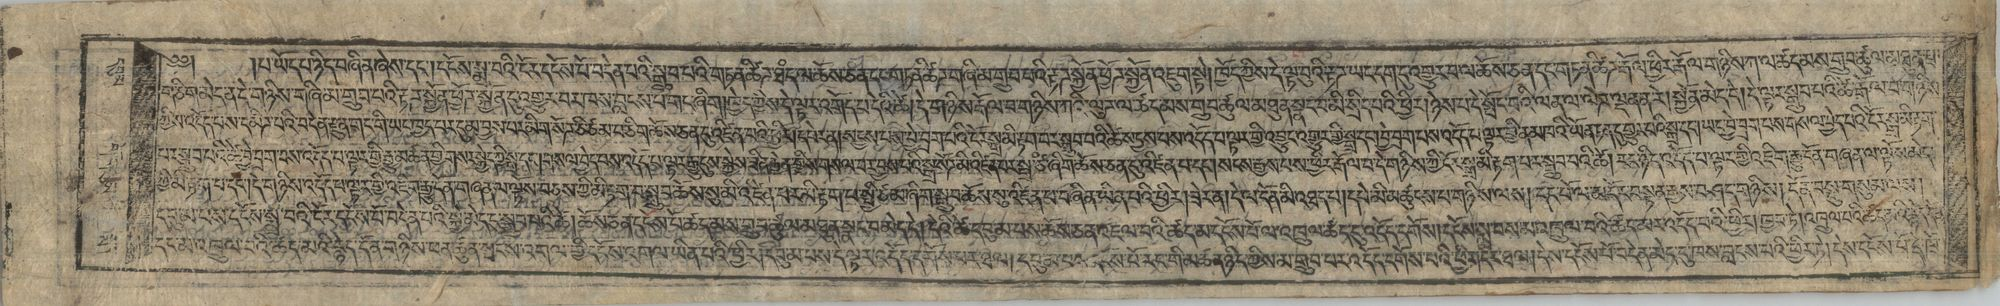༄༅། །པ་ཡོད་པ་ཉིད་བཞིན་ཞེས་དང་། དངོས་སྨྲ་བའི་ངོར་དངོས་པོ་བདེན་པའི་སྒྲུབ་སྐྱེ་མེད་པའི་གཏན་ཚིགས་ཐམས་ཅད་ལ་ཆོས་ཅན་དང་གཏན་ཚིགས་གཞི་མ་གྲུབ་པའི་རྟགས་སྐྱོན་ཕྱོགས་སྐྱོན་འཇུག་སྟེ། ཁྱོད་ཀྱིས་དེ་ལྟ་བུའི་རྟགས་ཡང་དག་དུ་འགྱུར་བ་ལ་ཆོས་ཅན་དང་གཏན་ཚིགས་རྒོལ་ཕྱིར་རྒོལ་གཉིས་ཀ་ལ་ཚད་མས་གྲུབ་ཚུལ་མཐུན་པ་
གཅིག་མེད་ན་དེ་གཉིས་གཞི་མ་གྲུབ་པའི་རྟགས་སྐྱོན་ཕྱོགས་སྐྱོན་དུ་འགྱུར་བར་ཁས་བླངས་པ་གང་ཞིག །ཁྱེད་ཀྱིས་དེ་ལྟར་འགོད་པ་དེའི་ཚེ། དེ་གཉིས་རྒོལ་བ་གཉིས་ཀའི་ལུགས་ལ་ཚད་མས་གྲུབ་ཚུལ་མཐུན་སྣང་བ་མི་སྲིད་པའི་ཕྱིར། ཉེས་པ་དེ་སྤོང་བའི་ལན་ལ་ལེགས་ལྡན་ན་རེ། སྐྱོན་མེད་དེ། དེ་ལྟར་སྒྲུབ་པའི་ཚེ་རྒོལ་བ་གཉིས་
ཀྱིས་འདོད་པས་དམིགས་པའི་བདེན་རྫུན་གང་གི་ཡང་ཁྱད་པར་དུ་མ་བྱས་པར་མིག་སོགས་ཅི་ཙམ་པ་ཅིག་ཆོས་ཅན་དུ་འཛིན་པའི་ཕྱིར། དཔེར་ན། སངས་རྒྱས་པས་བྱེ་བྲག་པའི་ངོར་སྒྲ་མི་རྟག་པར་སྒྲུབ་པའི་ཚེ་སངས་རྒྱས་པས་འདོད་པ་ལྟར་གྱི་འབྱུང་འགྱུར་གྱི་སྒྲ་དང་། བྱེ་བྲག་པས་འདོད་པ་ལྟར་གྱི་ནམ་མཁའི་ཡོན་ཏན་དུ་གྱུར་པའི་སྒྲ་དང་། ཡང་བྱེ་བྲག་པས་གསལ་བྱེད་པའི་ངོར་སྒྲ་མི་རྟག་
པར་སྒྲུབ་པའི་ཚེ་བྱེ་བྲག་བས་འདོད་པ་ལྟར་གྱི་རྒྱུ་མཚན་གྱི་གསར་སྐྱེད་ཀྱི་སྒྲ་དང་། གསལ་བྱེད་པས་འདོད་པ་ལྟར་རྒྱུ་དུས་སྐྱེས་ཟིན་རྐྱེན་གྱིས་གསལ་བར་བྱས་པའི་སྒྲ་སོགས་མི་འཛིན་པར་སྒྲ་ཙམ་ཞིག་ཆོས་ཅན་དུ་འཛིན་པ་དང་། སངས་རྒྱས་པས་ཕྱིར་རྒོལ་བ་དེ་གཉིས་ཀྱི་ངོར་སྒྲ་མི་རྟག་པར་སྒྲུབ་པའི་ཚེ། རང་ཉིད་འདོད་པ་ལྟར་གྱི་འཇིག་རྒྱུ་དོན་གཞན་ལ་ལྟོས་མེད་
ཀྱི་མི་རྟག་པ་དང་། དེ་གཉིས་འདོད་པ་ལྟར་གྱི་འཇིག་རྒྱུ་དོན་གཞན་ལ་ལྟོས་བཅས་ཀྱི་མི་རྟག་པ་སྒྲུབ་ཆོས་སུ་མི་འཛིན་པར་མི་རྟག་པ་སྤྱི་ཙམ་ཞིག་སྒྲུབ་ཆོས་སུ་འཛིན་པ་བཞིན་ཡིན་པའི་ཕྱིར། ཟེར་ན། དེ་ལ་དོན་མི་འཐད་པ། དཔེ་མི་མཚུངས་པ་གཉིས་ལས། དང་པོ་ལ་མདོར་བསྟན་རྒྱས་བཤད་གཉིས། དོན་བསྡུ་གསུམ་ལས།
དབུ་མ་པས་དངོས་སྨྲ་བའི་ངོར་དངོས་པོ་བདེན་པའི་སྐྱེ་མེད་དུ་སྒྲུབ་པའི་ཚེ། ཆོས་ཅན་དངོས་པོ་ཚད་མས་གྲུབ་ཚུལ་མཐུན་སྣང་བ་མེད་དེ། དེའི་ཚེ་དབུ་མ་པས་ཆོས་ཅན་འཇལ་བའི་ཚད་མ་དངོས་པོ་ལ་འཁྲུལ་ཚད་དུ་འདོད་དགོས། དངོས་སྨྲ་བས་མ་འཁྲུལ་བའི་ཚད་མར་འདོད་པའི་ཕྱིར། ཁྱབ་ཏེ། འཁྲུལ་པའི་ཚད་མའི་རྙེད་དོན་
དང་མ་འཁྲུལ་བའི་ཚད་མའི་རྙེད་དོན་གཉིས་ཕན་ཚུན་སྤངས་འགལ་གྱི་དངོས་འགལ་ཡིན་པའི་ཕྱིར། དབུ་མ་པས་དེ་ལྟར་འདོད་དགོས་པར་ཐལ། དབུ་མ་པས་དངོས་པོ་རང་གི་མཚན་ཉིད་ཀྱིས་མ་གྲུབ་པར་འདོད་དགོས་པའི་ཕྱིར། དེར་ཐལ། དེས་དངོས་པོ་བདེན་མེད་དུ་ཁས་བླངས་པའི་ཕྱིར་ཏེ། དེས་དངོས་པོ་དེ་ཁོ་